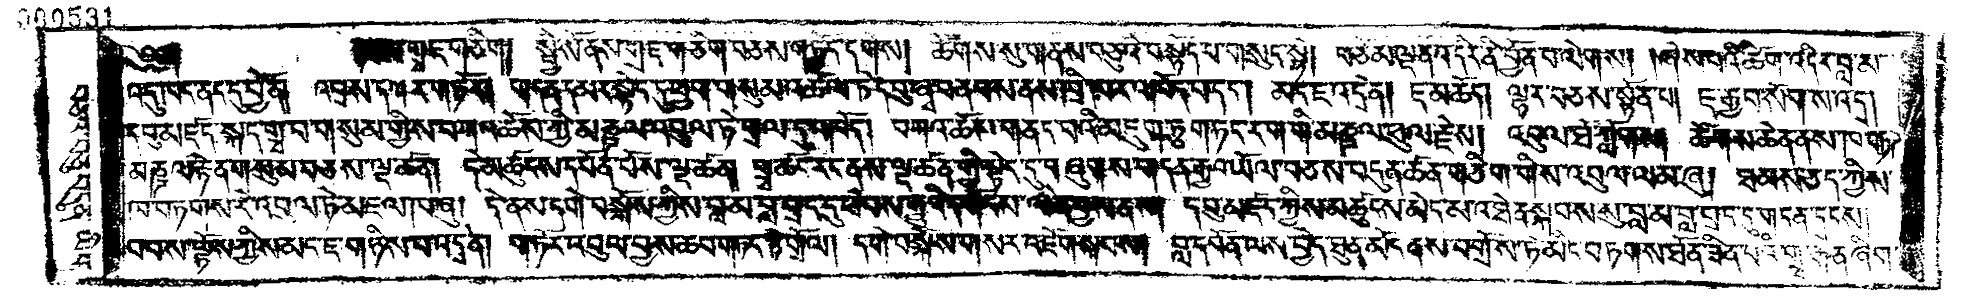༄༅། །པས་གྲྭ་ཇ་གཅིག །སྤྱི་སོ་ནས་གྲ་ཇ་གཅིག་བཅས་གཏོང་དགོས། ཚོགས་སུ་གནས་བཅུའི་བསྟོད་པ་གསུང་སྟེ། བཅོམ་ལྡན་འདིར་ནི་བྱོན་པ་ལེགས། །ཞེས་པའི་ཚིག་འདིར་བླ་མ་
འདུ་ཁང་ནང་དུ་བྱོན། འབྲས་དཀར་གཏོར། གདན་དམར་སྟེང་དུ་ཕྱག་གསུམ་འཚལ་ཏེ་དབུ་ཞྭ་བྣབས་ནས་ཁྲི་ཁར་འཁོད་པ་དང་། མང་ཇ་འདྲེན། ཇ་མཆོད། ལྷར་བཅས་སྟོན་པ། ཇ་རྒྱབ་སོགས་འདྲ།
དབུ་མཛད་སྐད་གྲྭ་བ་གསུམ་གྱིས་བཀའ་ཆོས་ཀྱི་མཎྜལ་འབུལ་ཏེ་གྲལ་དུ་འཁོད། བཀའ་ཆོས་གནང་བའི་མཇུག་ཏུ་གཏང་རག་གི་མཎྜལ་ཕུལ་རྗེས། འབུལ་ཐོ་ཀློགས། ཚོགས་ཆེན་ནས་ཁ་བཏགས་
མཎྜལ་རྟེན་གསུམ་བཅས་ལྔ་ཚན། དེ་མཚུངས་དཔོན་པོས་ལྔ་ཚན། གྲྭ་ཚང་རང་ནས་ལྔ་ཚན་གྱི་སྟེང་དུ་བཞུགས་གདན་རྒྱབ་ཡོལ་བཅས་བདུན་ཚན་གཅིག་གིས་འབུལ་ལམ་ཞུ། ཐམས་ཅད་ཀྱིས་
ཁ་བཏགས་རེ་འབུལ་ཏེ་མཇལ་ཁ་ཞུ། དེ་ནས་དགེ་བསྐོས་ཀྱིས་བླ་མ་བླ་བྲང་དུ་ཕེབས་རྒྱུའི་དགོངས་ལེན་བྱས་ནས། དབུ་མཛད་ཀྱིས་མཚུངས་མེད་མ་འཐེན་སྐབས་སུ་བླ་མ་བླ་བྲང་དུ་གདན་དྲངས།
བབས་ལྟོས་ཀྱིས་མང་ཇ་གཉིས་པ་འདྲེན། གཏོར་འབུལ་བྱས་ཆབ་གཏང་སྟེ་གྲོལ། དགེ་བསྐོས་གསར་འཇོག་སྐབས། བླ་དཔོན་ལས་བྱེད་ཐུན་མོང་ནས་བགྲོས་ཏེ་མིང་བཏགས་ཐོན་ཟིན་པའི་གྲྭ་རྒན་ཞིག་